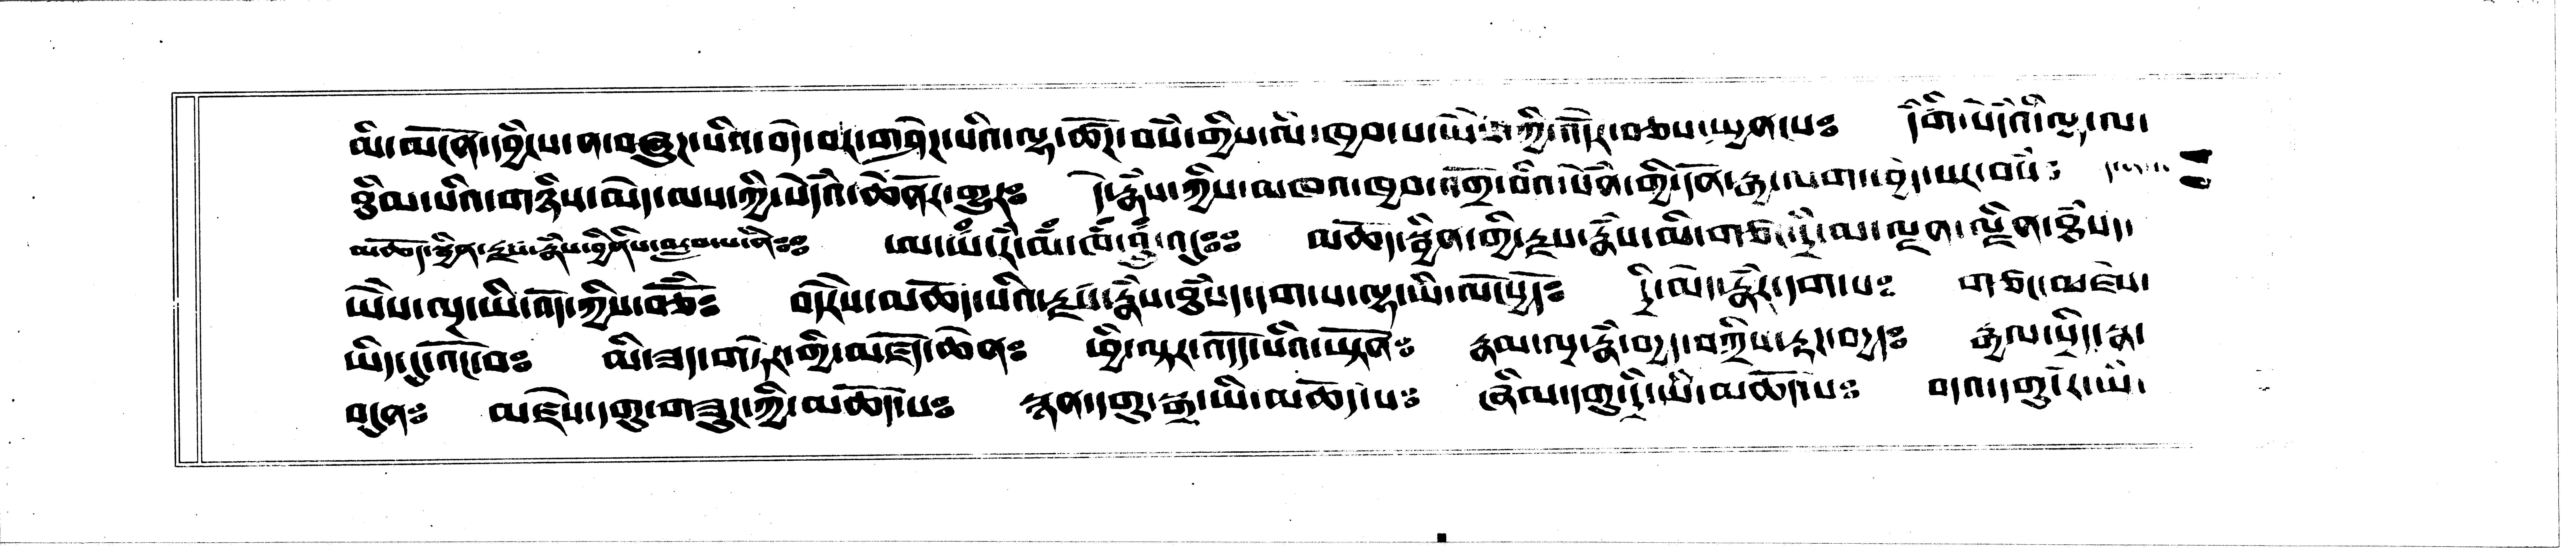མི་མངོན་དབྱིངས་ན་བཞུགས་པའི་བདེ་བར་གཤེགས་པའི་ལྷ་ཚོགས་བསམ་གྱིས་མི་ཁྱབ་པ་ཡེ་ཤེས་ཀྱི་འོད་ཟེར་བཅས་སྤྱན་དྲངསཿ དམ་ཚིག་སེམས་དཔའི་ལྷ་ལ་
ཐིམ་པས་གཉིས་མེད་ལས་ཀྱི་སེམས་དཔའ་ཆེན་པོར་གྱུརཿ དེ་རྣམས་ཀྱི་མཁའ་ཁྱབ་འགྲོ་བ་སེམས་ཅན་གྱི་དོན་རྒྱ་ལག་ཕྱེད་པར་བསམཿ དེ་ནས་
མཆོད་སྦྱིན་རྫས་རྣམས་བྱིན་གྱིས་བརླབ་པ་ནིཿ ཨ་ཡཾ་རྃ་མཾ་ཁཾ་བྲུྃ་འདུཿ མཆོད་སྦྱིན་གྱི་རྫས་རྣམས་མི་གཙང་དྲི་མ་ལྗན་ལྗིན་ཐམས་
ཡེ་ཤེས་ལྔ་ཡི་འོད་ཀྱིས་བཅོམཿ བདེར་གཤེགས་མཆོད་པའི་རྫས་རྣམས་ཐམས་ཅད་དག་པ་ལྷ་ཡི་ལོངས་སྤྱོདཿ དྲི་མེད་རྣམ་པར་དག་པཿ གཙང་མཛེས་
ཡིད་དུ་འོང་བཿ མི་བཟད་གཏེར་གྱི་མཛོད་ཆེནཿ ཕྱི་ལྟར་འདོད་པའི་ཡོན་ཏནཿ རྣམ་ལྔ་རྣམ་བརྒྱདཿ བཀྲ་ཤིས་རྟགས་བརྒྱདཿ རྒྱལ་སྲིད་སྣ་
བདུནཿ མཛེས་དགུ་གཟུགས་ཀྱི་མཆོད་པཿ སྙན་དགུ་སྒྲ་ཡི་མཆོད་པཿ ཞིམ་དགུ་དྲི་ཡི་མཆོད་པཿ བདའ་དགུ་རོ་ཡི་